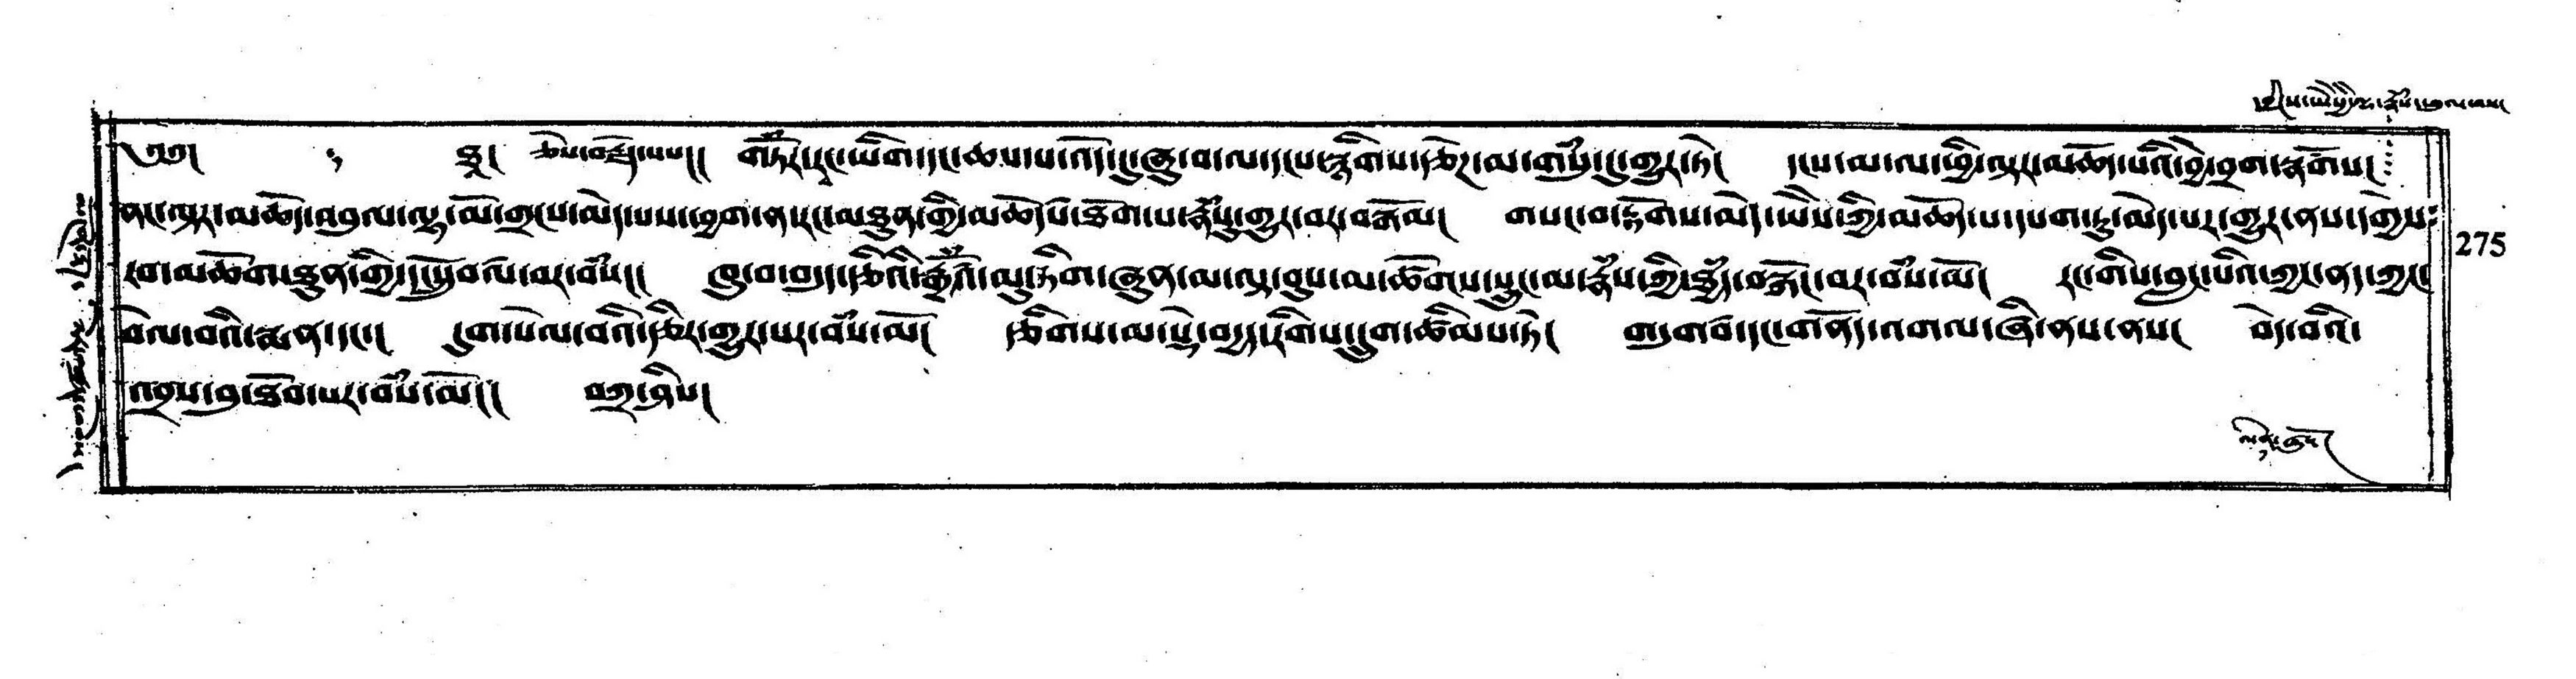ཐཱ། ཅེས་བརྗོད་པས།། གཏོར་མ་རང་ཡིག་དང་ཆས་པ་འོད་དུ་ཞུ་བ་ལ་དངས་སྙིགས་རྩིགས་མ་གསུམ་དུ་གྱུར་ཏེ། དངས་མ་ལ་ཕྱི་ལྟར་མཆོད་པའི་བྱེ་བྲག་སྣ་ཚོགས། 
ནང་ལྟར་མཆོད་འབུལ་ལྷ་མོ་གྲངས་མེད་པས་ཕྱག་ན་རང་མཐུན་གྱི་མཆོད་རྫས་ཐོག་པ་རྣམས་སུ་གྱུར་བར་བསྒོམ། གསང་བ་རྟོགས་མེད་ཡེ་ཤེས་ཀྱི་མཆོད་པ་དཔག་ཏུ་མེད་པར་གྱུར་ནས་དགྱེས་
རབ་མཆོག་ཐུན་གྱི་དངོས་གྲུབ་སྩོལ་བར་བསམ།། ཁུ་བ་བདུད་རྩིའི་རྒྱ་མཚོ་མུ་ཏིག་ཞུན་མ་ལྟ་བུས་མ་ཚོགས་སྲུང་མ་རྣམས་ཀྱི་ཐུགས་དམ་བསྐང་བར་བསམ་མོ། རང་གིས་བླང་པས་ཀྱང་
ནད་སེལ་བའི་སྨན་དང་། དུག་སེལ་བའི་རྩིར་གྱུར་པར་བསམ་མོ། རྩིགས་མ་སྡེ་བརྒྱད་རིགས་དྲུག་ཚིམས་ཏེ། གདུག་རྩུབ་དང་གནོད་འགལ་ཞི་ནས། བདེ་བའི་
འབྲས་བུ་ཐོབ་པར་བསམ་མོ།། བཀྲ་ཤིས། །